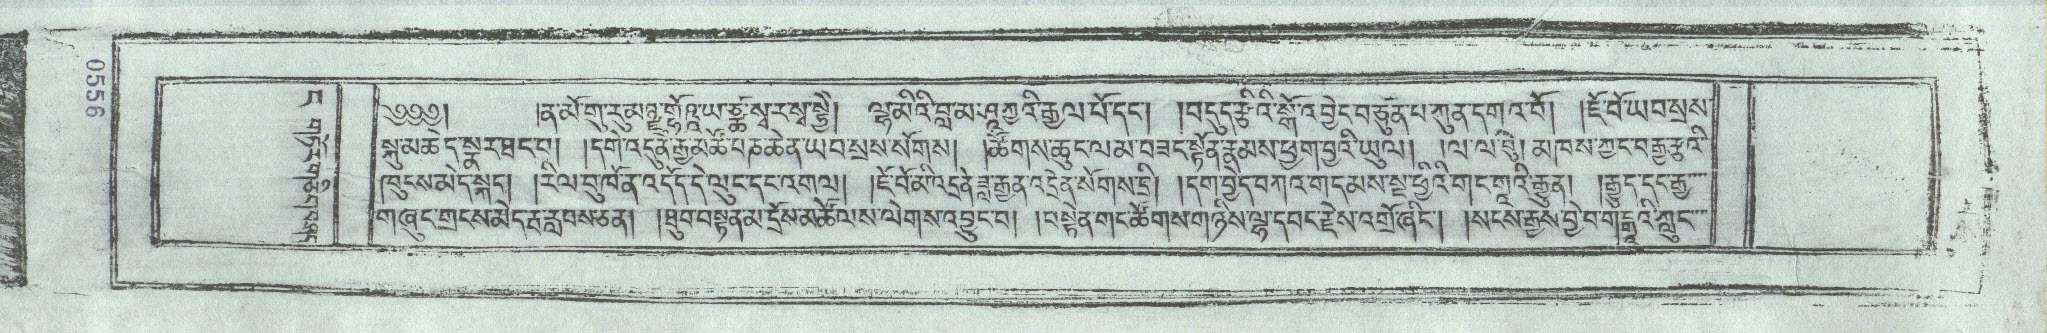༄༅༅། །ན་མོ་གུ་རུ་མཉྫུ་གྷོ་ཥཱ་ཡ་ཙྪ་སྭ་ར་སྭ་སྟྱཻ། ལྷ་མིའི་བླ་མ་ཤཱཀྱའི་རྒྱལ་པོ་དང་། །བདུད་རྩིའི་སྒོ་འབྱེད་བཙུན་པ་ཀུན་དགའ་བོ། །ཇོ་བོ་ཡབ་སྲས་
སྐུ་མཆེད་སྣར་ཐང་བ། །དགེ་འདུན་རྒྱ་མཚོ་པཎ་ཆེན་ཡབ་སྲས་སོགས། །ཚོགས་ཆུང་ལམ་བཟང་སྟོན་རྣམས་ཕྱག་བྱའི་ཡུལ། །ལ་ལ་བུ། མཁས་ཀྱང་བརྒྱ་རྩའི་
ཁུང་མེད་སྐད། །རིལ་བུ་ཁོ་ན་འདོད་དེ་ལུང་དང་འགལ། །ཇོ་བོ་མི་འདྲེན་ཟླ་རྒྱན་འདྲེན་སོགས་དྲི། །དག་བྱེད་བཀའ་གདམས་སྔ་ཕྱིའི་གང་གཱའི་རྒྱུན། །རྒྱུད་དང་རྒྱ་
གཞུང་གྲངས་མེད་རྦ་རླབས་ཅན། །ཐུབ་བསྟན་མ་དྲོས་མཚོ་ལས་ལེགས་འབྱུང་བ། །བསྟེན་གང་ཚོགས་གཉིས་ལྷ་དབང་རྗེས་འགྲོ་ཞིང་། །སངས་རྒྱས་བྱེ་བ་གངྒའི་ཀླུང་